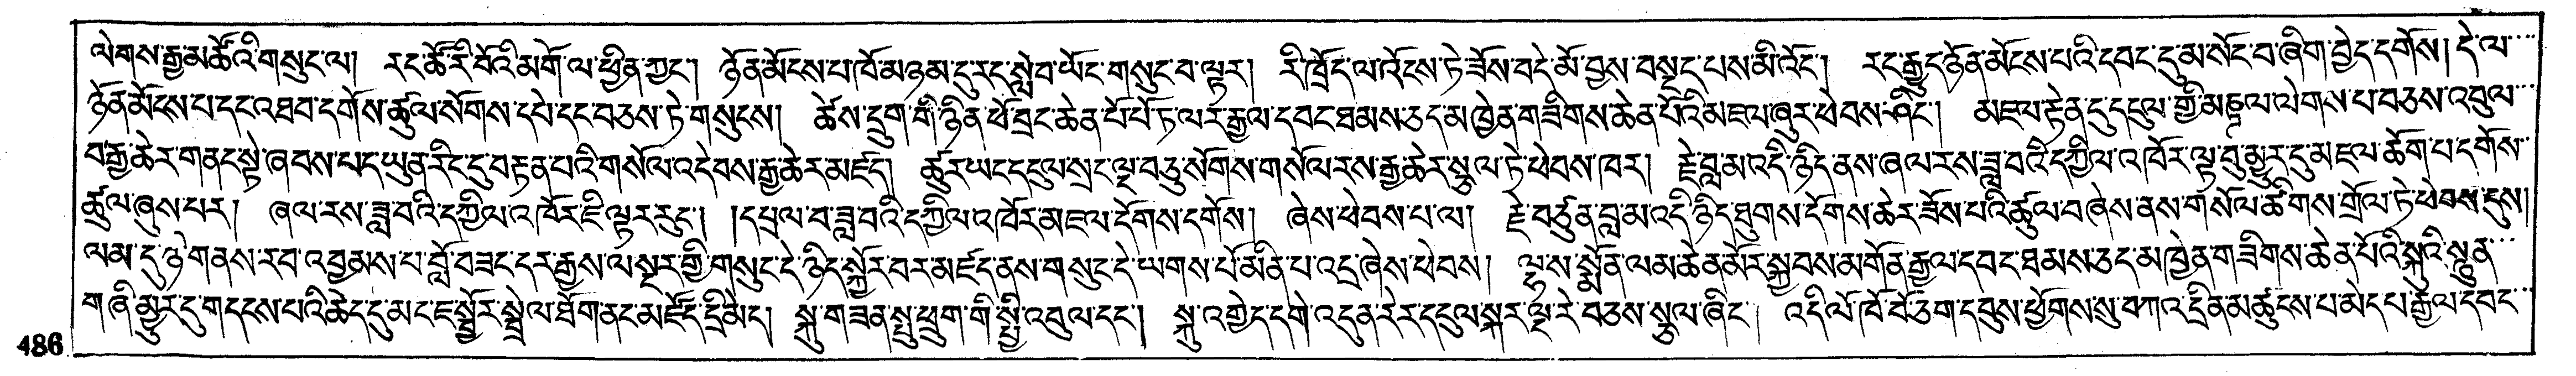ལེགས་རྒྱ་མཚོའི་གསུང་ལ། རང་ཚོ་རི་བོའི་མགོ་ལ་ཕྱིན་ཀྱང་། ཉོན་མོངས་པ་ཁོ་མཉམ་དུ་རང་སླེབ་ཡོང་གསུང་བ་ལྟར། རི་ཁྲོད་ལ་འོང་ཏེ་ཟོས་བདེ་མོ་བྱས་བསྡད་པས་མི་འོང་། རང་རྒྱུད་ཉོན་མོངས་པའི་དབང་དུ་མ་སོང་བ་ཞིག་བྱེད་དགོས། དེ་ལ་
ཉོན་མོངས་པ་དང་འཐབ་དགོས་ཚུལ་སོགས་དཔེ་དང་བཅས་ཏེ་གསུངས། ཚེས་དྲུག་གི་ཉིན་ཕོ་བྲང་ཆེན་པོ་པོ་ཏ་ལར་རྒྱལ་དབང་ཐམས་ཅད་མཁྱེན་གཟིགས་ཆེན་པོའི་མཇལ་ཞུར་ཕེབས་ཤིང་། མཇལ་རྟེན་དུ་དངུལ་གྱི་མཎྜལ་ལེགས་པ་བཅས་འབུལ་
བ་རྒྱ་ཆེར་གནང་སྟེ་ཞབས་པད་ཡུན་རིང་དུ་བརྟན་པའི་གསོལ་འདེབས་རྒྱ་ཆེར་མཛད། ཚུར་ཡང་དངུལ་སྲང་ལྔ་བཅུ་སོགས་གསོལ་རས་རྒྱ་ཆེར་སྩལ་ཏེ་ཕེབས་ཁར། རྗེ་བླ་མ་འདི་ཉིད་ནས་ཞལ་རས་ཟླ་བའི་དཀྱིལ་འཁོར་ལྟ་བུ་མྱུར་དུ་མཇལ་ཆོག་པ་དགོས་
ཚུལ་ཞུས་པར། ཞལ་རས་ཟླ་བའི་དཀྱིལ་འཁོར་ཇི་ལྟར་རུང་། །དཔྲལ་བ་ཟླ་བའི་དཀྱིལ་འཁོར་མཇལ་དོགས་དགོས། ཞེས་ཕེབས་པ་ལ། རྗེ་བཙུན་བླ་མ་འདི་ཉིད་ཐུགས་དགོས་ཆེར་ཟོས་པའི་ཚུལ་བཞེས་ནས་གསོལ་ཚིགས་གྲོལ་ཏེ་ཕེབས་དུས།
ལམ་དུ་ཉེ་གནས་རབ་འབྱམས་པ་བློ་བཟང་དར་རྒྱས་ལ་སྔར་གྱི་གསུང་དེ་ཉིད་སྐྱོར་བར་མཛད་ནས་གསུང་དེ་ཡགས་པོ་མིན་པ་འདྲ་ཞེས་ཕེབས། ལྷ་ས་སྨོན་ལམ་ཆེན་མོར་སྐྱབས་མགོན་རྒྱལ་དབང་ཐམས་ཅད་མཁྱེན་གཟིགས་ཆེན་པོའི་སྐུའི་སྙུན་
གཞི་མྱུར་དུ་གདངས་པའི་ཆེད་དུ་མང་ཇ་སྦྱོར་སྤྲེལ་ཐོག་ནང་མཛོད་དྲི་མེད། སྐུ་གཟན་སྤུ་ཕྲུག་གི་སྤྱི་འབུལ་དང་། སྐུ་འགྱེད་འདུན་རེར་དངུལ་སྐར་ལྔ་རེ་བཅས་སྩལ་ཞིང་། འདི་ལོ་ཁོ་བོ་ཅག་དབུས་ཕྱོགས་སུ་བཀའ་དྲིན་མཚུངས་པ་མེད་པ་རྒྱལ་དབང་